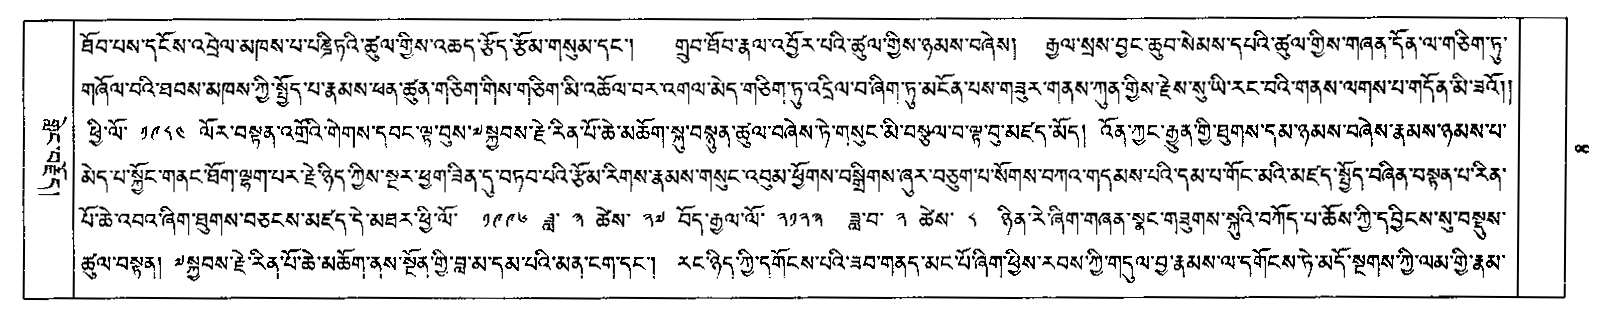ཐོབ་པས་དངོས་འབྲེལ་མཁས་པ་པཎྜི་ཏའི་ཚུལ་གྱིས་འཆད་རྩོད་རྩོམ་གསུམ་དང་། གྲུབ་ཐོབ་རྣལ་འབྱོར་པའི་ཚུལ་གྱིས་ཉམས་བཞེས། རྒྱལ་སྲས་བྱང་ཆུབ་སེམས་དཔའི་ཚུལ་གྱིས་གཞན་དོན་ལ་གཅིག་ཏུ་
གཞོལ་བའི་ཐབས་མཁས་ཀྱི་སྤྱོད་པ་རྣམས་ཕན་ཚུན་གཅིག་གིས་གཅིག་མི་འཆོལ་བར་འགལ་མེད་གཅིག་ཏུ་འདྲིལ་བ་ཞིག་ཏུ་མངོན་པས་གཟུར་གནས་ཀུན་གྱིས་རྗེས་སུ་ཡི་རང་བའི་གནས་ལགས་པ་གདོན་མི་ཟའོ།།
ཕྱི་ལོ ༡༩༨༤་ལོར་བསྟན་འགྲོའི་གེགས་དབང་ལྟ་བུས་༧་སྐྱབས་རྗེ་རིན་པོ་ཆེ་མཆོག་སྐུ་བསྙུན་ཚུལ་བཞེས་ཏེ་གསུང་མི་བསྩལ་བ་ལྟ་བུ་མཛད་མོད། འོན་ཀྱང་རྒྱུན་གྱི་ཐུགས་དམ་ཉམས་བཞེས་རྣམས་ཉམས་པ་
མེད་པ་སྐྱོང་གནང་ཐོག་ལྷག་པར་རྗེ་ཉིད་ཀྱིས་སྔར་ཕྱག་ཟིན་དུ་བཏབ་པའི་རྩོམ་རིགས་རྣམས་གསུང་འབུམ་ཕྱོགས་བསྒྲིགས་ཞུར་བཅུག་པ་སོགས་བཀའ་གདམས་པའི་དམ་པ་གོང་མའི་མཛད་སྤྱོད་བཞིན་བསྟན་པ་རིན་
པོ་ཆེ་འབའ་ཞིག་ཐུགས་བཅངས་མཛད་དེ་མཐར་ཕྱི་ལོ ༡༩༩༦་ཟླ ༣་ཚེས ༢༧་བོད་རྒྱལ་ལོ ༢༡༢༣་ཟླ་བ ༢་ཚེས ༨་ཉིན་རེ་ཞིག་གཞན་སྣང་གཟུགས་སྐུའི་བཀོད་པ་ཆོས་ཀྱི་དབྱིངས་སུ་བསྡུས་
ཚུལ་བསྟན། ༧་སྐྱབས་རྗེ་རིན་པོ་ཆེ་མཆོག་ནས་སྔོན་གྱི་བླ་མ་དམ་པའི་མན་ངག་དང་། རང་ཉིད་ཀྱི་དགོངས་པའི་ཟབ་གནད་མང་པོ་ཞིག་ཕྱིས་རབས་ཀྱི་གདུལ་བྱ་རྣམས་ལ་དགོངས་ཏེ་མདོ་སྔགས་ཀྱི་ལམ་གྱི་རྣམ་